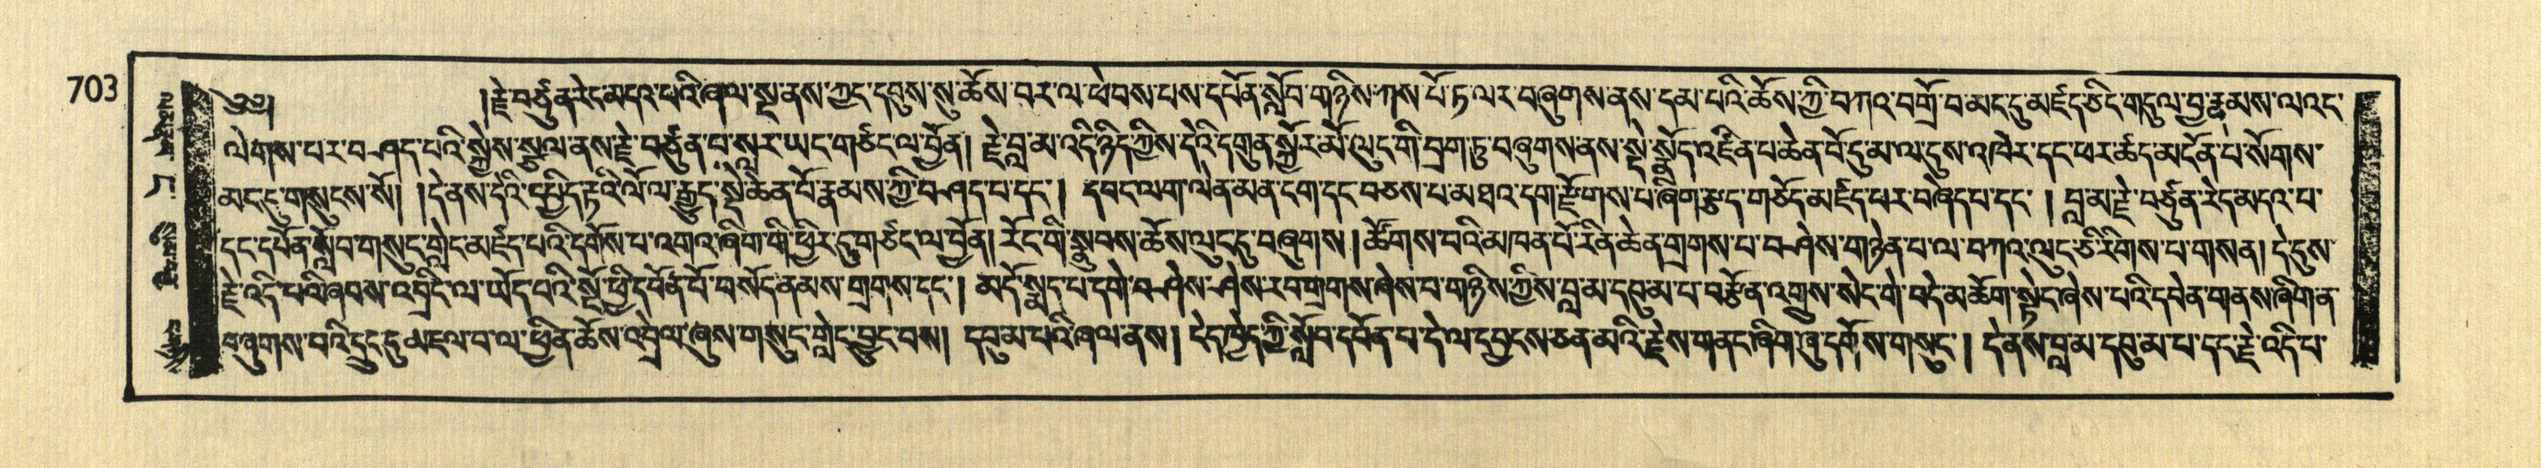༄༅། །རྗེ་བཙུན་རེད་མདའ་པའི་ཞལ་སྔ་ནས་ཀྱང་དབུས་སུ་ཆོས་བར་ལ་ཕེབས་པས་དཔོན་སློབ་གཉིས་ཀས་པོ་ཏ་ལར་བཞུགས་ནས་དམ་པའི་ཆོས་ཀྱི་བཀའ་བགྲོ་བ་མང་དུ་མཛད་ཅིང་གདུལ་བྱ་རྣམས་ལའང་
ལེགས་པར་བཤད་པའི་སྐྱེས་སྩལ་ནས་རྗེ་བཙུན་པ་སླར་ཡང་གཙང་ལ་བྱོན། རྗེ་བླ་མ་འདི་ཉིད་ཀྱིས་དེའི་དགུན་སྐྱོར་མོ་ལུང་གི་བྲག་ཏུ་བཞུགས་ནས་སྡེ་སྣོད་འཛིན་པ་ཆེན་པོ་དུ་མ་ལ་དུས་འཁོར་དང་ཕར་ཚད་མངོན་པ་སོགས་
མང་དུ་གསུངས་སོ། །དེ་ནས་དེའི་དཔྱིད་རྟའི་ལོ་ལ་རྒྱུད་སྡེ་ཆེན་པོ་རྣམས་ཀྱི་བཤད་པ་དང་། དབང་ལག་ལེན་མན་ངག་དང་བཅས་པ་མཐའ་དག་རྫོགས་པ་ཞིག་རྩད་གཅོད་མཛད་པར་བཞེད་པ་དང་། །བླ་མ་རྗེ་བཙུན་རེད་མདའ་བ་
དང་དཔོན་སློབ་གསུང་གླེང་མཛད་པའི་དགོས་པ་འགའ་ཞིག་གི་ཕྱིར་དུ་གཙང་ལ་བྱོན། རོང་གི་སྣུབས་ཆོས་ལུང་དུ་བཞུགས། ཚོགས་བའི་མཁན་པོ་རིན་ཆེན་གྲགས་པ་བཤེས་གཉེན་པ་ལ་བཀའ་ལུང་ཅི་རིགས་པ་གསན། དེ་དུས་
རྗེ་འདི་པའི་ཞབས་འབྲིང་ལ་ཡོད་པའི་སྔོ་ཕྱི་དཔོན་པོ་བསོད་ནམས་གྲགས་དང་། མདོ་སྨད་པ་དགེ་བཤེས་ཤེས་རབ་གྲགས་ཞེས་བ་གཉིས་ཀྱིས་བླ་མ་དབུ་མ་པ་བརྩོན་འགྲུས་སེང་གེ་བདེ་མཆོག་སྟེང་ཞེས་པའི་དབེན་གནས་ཞིག་ན་
བཞུགས་པའི་དྲུང་དུ་མཇལ་བ་ལ་ཕྱིན་ཆོས་འབྲེལ་ཞུས་གསུང་གླེང་བྱུང་བས། དབུ་མ་པའི་ཞལ་ནས། ངེད་ཁྱེད་ཀྱི་སློབ་དཔོན་པ་དེ་ལ་དབྱངས་ཅན་མའི་རྗེས་གནང་ཞིག་ཞུ་དགོས་གསུང་། དེ་ནས་བླ་མ་དབུ་མ་པ་དང་རྗེ་འདི་པ་